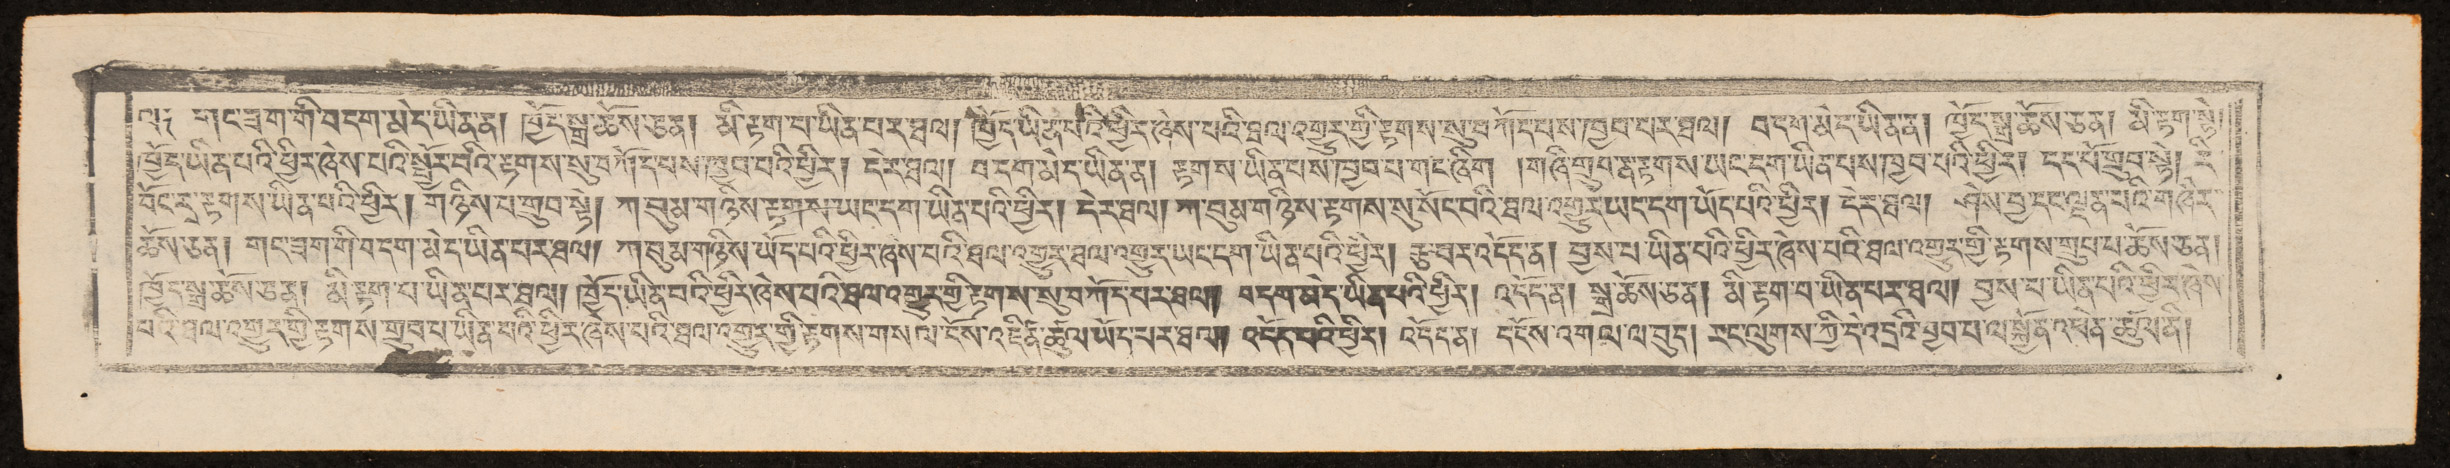ལ། གང་ཟག་གི་བདག་མེད་ཡིན་ན། ཁྱོད་སྒྲ་ཆོས་ཅན། མི་རྟག་པ་ཡིན་པར་ཐལ། ཁྱོད་ཡིན་པའི་ཕྱིར་ཞེས་པའི་ཐལ་འགྱུར་གྱི་རྟགས་སུ་བཀོད་པས་ཁྱབ་པར་ཐལ། བདག་མེད་ཡིན་ན། ཁྱོད་སྒྲ་ཆོས་ཅན། མི་རྟག་སྟེ།
ཁྱོད་ཡིན་པའི་ཕྱིར་ཞེས་པའི་སྦྱོར་བའི་རྟགས་སུ་བཀོད་པས་ཁྱབ་པའི་ཕྱིར། དེར་ཐལ། བདག་མེད་ཡིན་ན། རྟགས་ཡིན་པས་ཁྱབ་པ་གང་ཞིག །གཞི་གྲུབ་ན་རྟགས་ཡང་དག་ཡིན་པས་ཁྱབ་པའི་ཕྱིར། དང་པོ་གྲུབ་སྟེ། རི་
བོང་རྭ་རྟགས་ཡིན་པའི་ཕྱིར། གཉིས་པ་གྲུབ་སྟེ། ཀ་བུམ་གཉིས་རྟགས་ཡང་དག་ཡིན་པའི་ཕྱིར། དེར་ཐལ། ཀ་བུམ་གཉིས་རྟགས་སུ་སོང་བའི་ཐལ་འགྱུར་ཡང་དག་ཡོད་པའི་ཕྱིར། དེར་ཐལ། ཤེས་བྱ་དང་ལྡན་པའི་གཞིར་
ཆོས་ཅན། གང་ཟག་གི་བདག་མེད་ཡིན་པར་ཐལ། ཀ་བུམ་གཉིས་ཡོད་པའི་ཕྱིར་ཞེས་པའི་ཐལ་འགྱུར་ཐལ་འགྱུར་ཡང་དག་ཡིན་པའི་ཕྱིར། རྩ་བར་འདོད་ན། བྱས་པ་ཡིན་པའི་ཕྱིར་ཞེས་པའི་ཐལ་འགྱུར་གྱི་རྟགས་གྲུབ་པ་ཆོས་ཅན།
ཁྱོད་སྒྲ་ཆོས་ཅན། མི་རྟག་པ་ཡིན་པར་ཐལ། ཁྱོད་ཡིན་པའི་ཕྱིར་ཞེས་པའི་ཐལ་འགྱུར་གྱི་རྟགས་སུ་བཀོད་པར་ཐལ། བདག་མེད་ཡིན་པའི་ཕྱིར། འདོད་ན། སྒྲ་ཆོས་ཅན། མི་རྟག་པ་ཡིན་པར་ཐལ། བྱས་པ་ཡིན་པའི་ཕྱིར་ཞེས་
པའི་ཐལ་འགྱུར་གྱི་རྟགས་གྲུབ་པ་ཡིན་པའི་ཕྱིར་ཞེས་པའི་ཐལ་འགྱུར་གྱི་རྟགས་གསལ་ངོས་འཛིན་ཚུལ་ཡོད་པར་ཐལ། འདོད་པའི་ཕྱིར། འདོད་ན། དངོས་འགལ་ལ་བུད། རང་ལུགས་ཀྱི་དེ་འདྲའི་ཁྱབ་པ་ལ་སྐྱོན་འཕེན་ཚུལ་ནི།